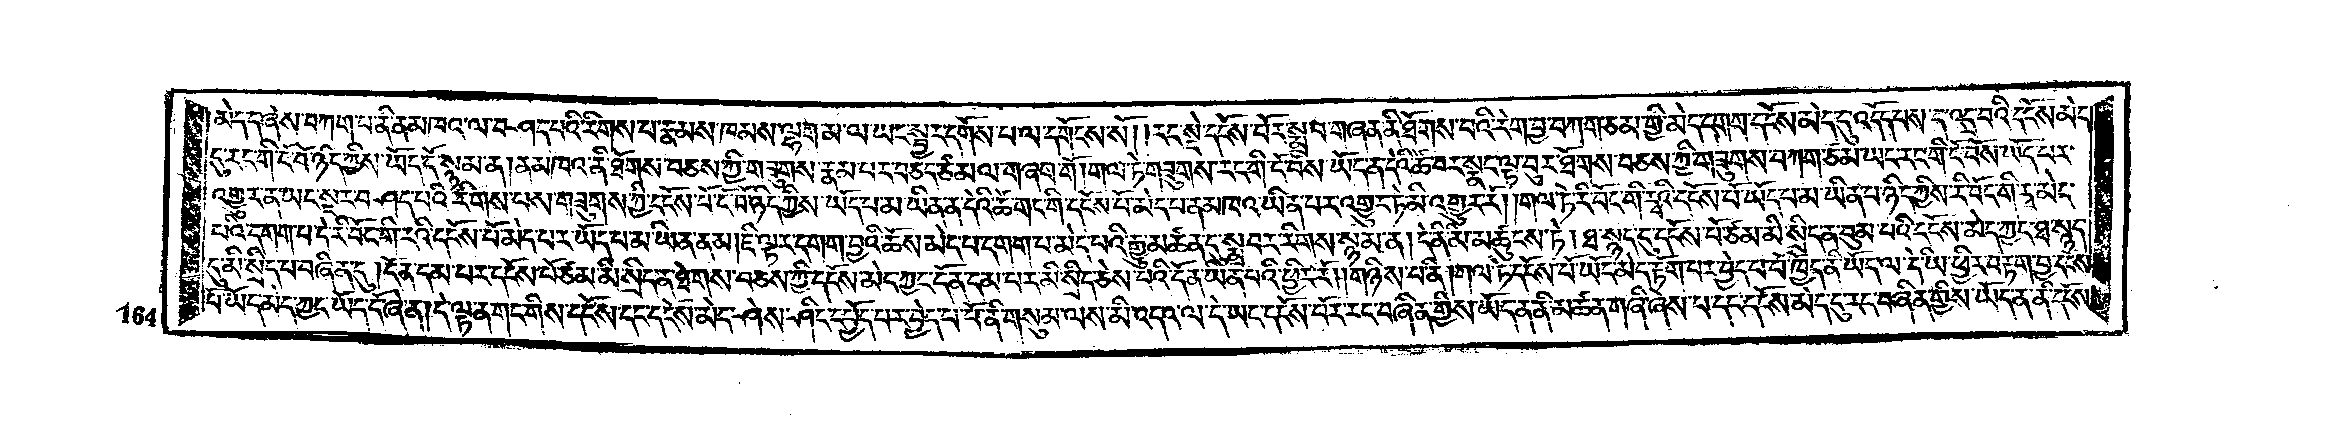མེད་དེ་ཞེས་བཀག་པ་ནི་ནམཁའ་ལ་བཤད་པའི་རིགས་པ་རྣམས་ཁམས་ལྷག་མ་ལ་ཡང་སྦྱར་དགོས་པ་ལ་དགོངས་སོ། །རང་སྡེ་དངོས་པོར་སྨྲ་བ་གཞན་ནི་ཐོགས་པའི་རེག་བྱ་བཀག་ཙམ་གྱི་མེད་དགག་དངོས་མེད་དུ་འདོད་པས་ད་འདྲ་བའི་དངོས་མེད་
དུ་རང་གི་ངོ་བོ་ཉིད་ཀྱིས་ཡོད་དོ་སྙམ་ན། ནམཁའ་ནི་ཐོགས་བཅས་ཀྱི་གཟུགས་རྣམ་པར་བཅད་ཙམ་ལ་གཞག་གོ། གལ་ཏེ་གཟུགས་རང་གི་ངོ་བོས་ཡོད་ན་དེའི་ཚེ་བར་སྣང་ལྟ་བུར་ཐོགས་བཅས་ཀྱི་གཟུགས་བཀག་ཙམ་ཡང་རང་གི་ངོ་བོས་ཡོད་པར་
འགྱུར་ན་ཡང་སྔར་བཤད་པའི་རིགས་པས་གཟུགས་ཀྱི་དངོས་པོ་ངོ་བོ་ཉིད་ཀྱིས་ཡོད་པ་མ་ཡིན་ན་དེའི་ཚེ་གང་གི་དངོས་པོ་མེད་པ་ནམཁའི་ཡིན་པར་འགྱུར་ཏེ་མི་འགྱུར་རོ། །གལ་ཏེ་རི་བོང་གི་རྭའི་དངོས་པོ་ཡོད་པ་མ་ཡིན་པ་ཉིད་ཀྱིས་རི་བོང་གི་རྭ་མེད་
པའི་དགག་པ་དེ་རི་བོང་གི་རྭའི་དངོས་པོ་མེད་པར་ཡོད་པ་མ་ཡིན་ནམ། ཇི་ལྟར་དགག་བྱའི་ཆོས་མེད་པ་དགག་པ་མེད་པའི་རྒྱུ་མཚན་དུ་སྨྲ་བར་རིགས་སྙམ་ན། དེ་ནི་མ་མཚུངས་ཏེ། ཐ་སྙད་དུ་དངོས་པོ་ཙམ་མི་སྲིད་ན་བུམ་པའི་དངོས་མེད་ཀྱང་ཐ་སྙད་
དུ་མི་སྲིད་པ་བཞིན་དུ། དོན་དམ་པར་དངོས་པོ་ཙམ་མི་སྲིད་ན་ཐེགས་བཅད་ཀྱི་དངོས་མེད་ཀྱང་དོན་དམ་པར་མི་སྲིད་ཅེས་པའི་དོན་ཡིན་པའི་ཕྱིར་རོ། །གཉིས་པ་ནི། གལ་ཏེ་དངོས་པོ་ཡོད་མེད་རྟོག་པར་བྱེད་པ་པོ་ཁྱོད་ནི་ཡོད་ལ་དེ་ཡི་ཕྱིར་བརྟག་བྱ་དངོས་
པོ་ཡོད་མེད་ཀྱང་ཡོད་དོ་ཞེ་ན། དེ་ལྟ་ན་གང་གིས་དངོས་དང་དངོས་མེད་ཤེས་ཤིང་དཔྱོད་པར་བྱེད་པ་པོ་ནི་གསུམ་ལས་མི་འདའ་ལ་དེ་ཡང་དངོས་པོར་རང་བཞིན་གྱིས་ཡོད་ན་ནི་མཚན་གཞི་ཞེས་པ་དང་དངོས་མེད་དུ་རང་བཞིན་གྱིས་ཡོད་ན་ནི་དངོས་